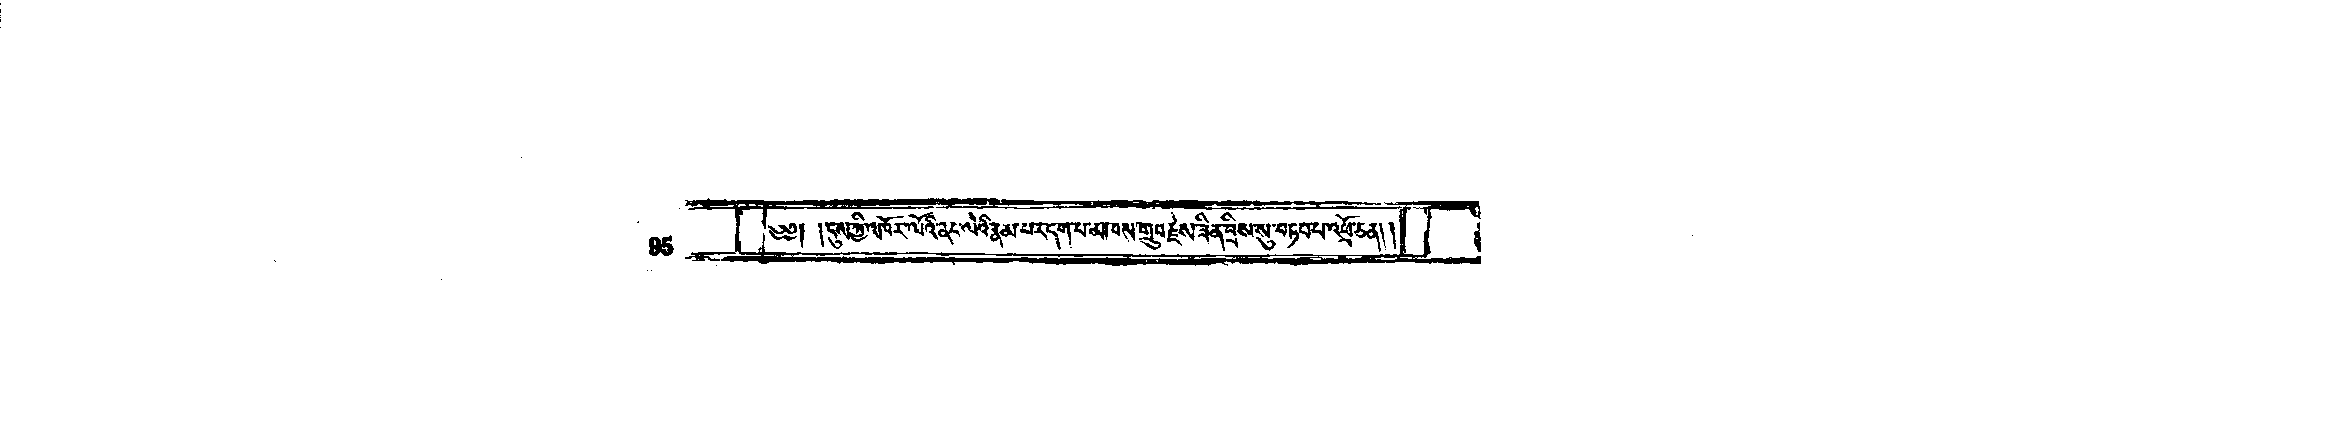༄༅། །དུས་ཀྱི་འཁོར་ལོའི་ནང་ལེའི་རྣམ་པར་དག་པ་མཁས་གྲུབ་རྗེས་ཟིན་བྲིས་སུ་བཏབ་པ་འཕྲོ་ཅན། །